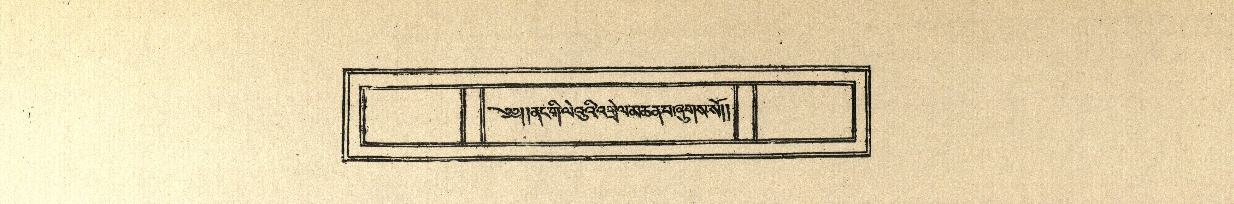༄༅། །ནང་གི་ལེའུ་འི་འགྲེལ་མཆན་བཞུགས་སོ། །